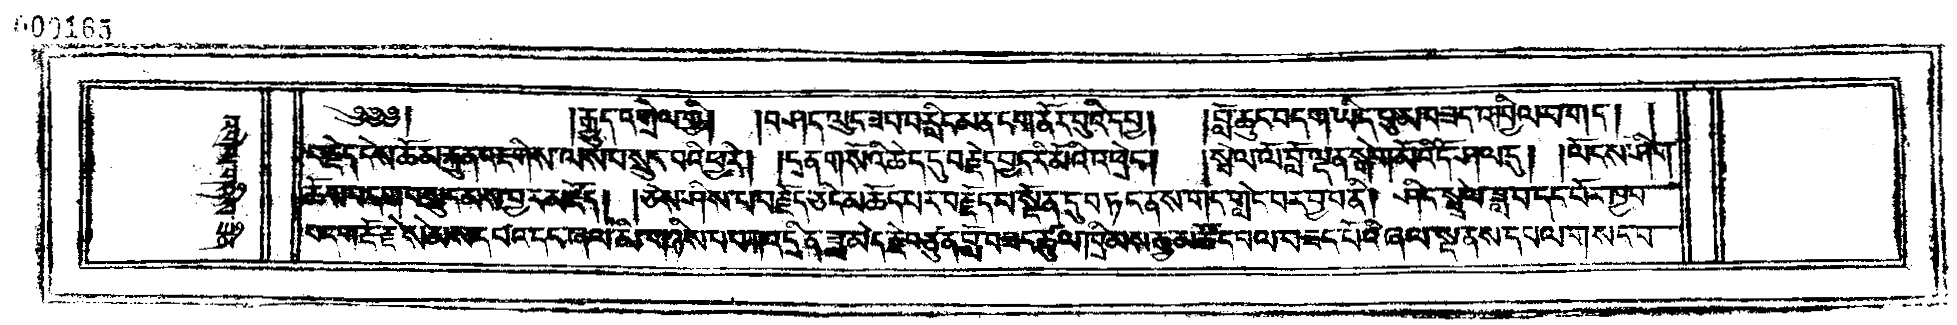༄༅༅། །རྒྱུད་འགྲེལ་གྱི། །བཤད་ལུང་ཟབ་བརླིང་མན་ངག་ནོར་བུའི་དབྱ། ?་།བློ་ཆུང་བདག་ཡིད་བུམ་བཟང་འཁྱིལ་བ་གང་། །
བརྗེད་ངེས་ཆོམ་རྐུན་འཇིགས་ལས་བསྲུང་པའི་ཕྱིར། །དྲན་གསོའི་ཆེད་དུ་བརྗེད་བྱང་རི་མོའི་འཕྲེང་། །སྤེལ་ལོ་བློ་ལྡན་སྒེག་མོའི་དོ་ཤལ་དུ། །ལོངས་ཤིག་
ཆོས་བདག་བསྲུང་མས་བྱ་ར་མཛོད། །ཅེས་ཤིས་པ་བརྗོད་ཅིང་མཆོད་པར་བརྗོད་པ་སྔོན་དུ་བཏང་ནས་གང་གླེང་བར་བྱ་བ་ནི། ཤིང་སྤྲེལ་ཟླ་བ་དང་པོར་ཁྱབ་
བདག་རྡོ་རྗེ་སེམས་དཔའ་དང་ཞལ་མི་གཉིས་པ་བཀའ་དྲིན་ཟླ་མེད་རྗེ་བཙུན་བློ་བཟང་ཚུལ་ཁྲིམས་རྒྱ་མཚོ་དཔལ་བཟང་པོའི་ཞལ་སྔ་ནས་དཔལ་གསང་བ་